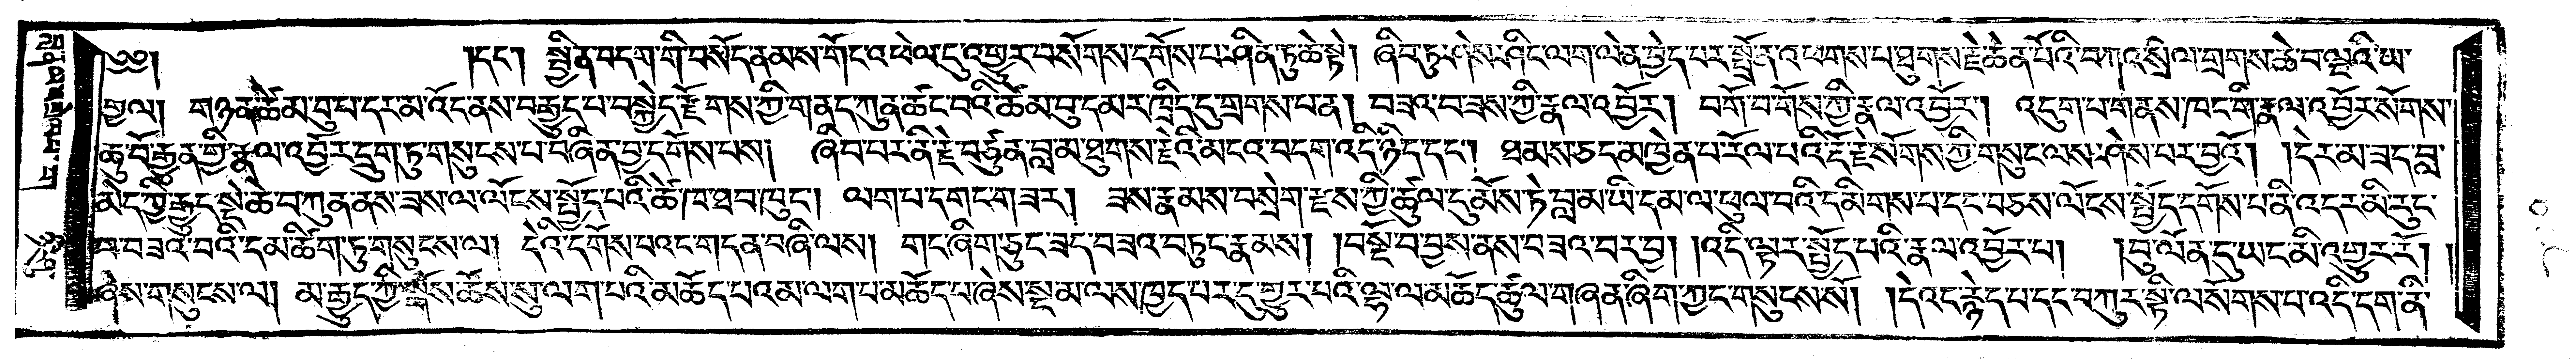༄༅། །དང་། སྦྱིན་བདག་གི་བསོད་ནམས་གོང་འཕེལ་དུ་འགྱུར་བ་སོགས་དགོས་པ་ཤིན་ཏུ་ཆེ་སྟེ། ཞིབ་ཏུ་ཤེས་ཤིང་ལག་ལེན་བྱེད་པར་སྤྲོ་ན་འཕགས་པ་ཐུགས་རྗེ་ཆེན་པོའི་བཀའ་སྲོལ་གྲགས་ཆེ་བ་ལྔའི་ཡ་
གྱལ། གཉན་ཚེམ་བུ་བ་དར་མ་འོང་ནས་བརྒྱུད་པ་བསྐྱེད་རྫོགས་ཀྱི་གནད་ཀུན་ཚང་བའི་ཚེམ་བུ་དམར་ཁྲིད་དུ་གྲགས་པ་ན། བཟའ་བ་ཟས་ཀྱི་རྣལ་འབྱོར། བགོ་བ་གོས་ཀྱི་རྣལ་འབྱོར། འདུག་པ་གནས་ཁང་གི་རྣལ་འབྱོར་སོགས་
ཆུ་བོ་རྒྱུན་གྱི་རྣལ་འབྱོར་དྲུག་ཏུ་གསུངས་པ་བཞིན་བྱ་དགོས་པས། ཞིབ་པར་ནི་རྗེ་བཙུན་བླ་མ་ཐུགས་རྗེའི་མངའ་བདག་འདི་ཉིད་དང་། ཐམས་ཅད་མཁྱེན་པ་རོལ་བའི་རྡོ་རྗེ་སོགས་ཀྱི་གསུང་ལས་ཤེས་པར་བྱའོ། །དེར་མ་ཟད་བླ་
མེད་ཀྱི་རྒྱུད་སྡེ་ཆེ་བ་ཀུན་ནས་ཟས་ལ་ལོངས་སྤྱོད་པའི་ཚེ་ཁ་ཐབ་ཁུང་། ལག་པ་དགང་གཟར། ཟས་རྣམས་བསྲེག་རྫས་ཀྱི་ཚུལ་དུ་མོས་ཏེ་བླ་མ་ཡི་དམ་ལ་ཕུལ་བའི་དམིགས་པ་དང་བཅས་ལོངས་སྤྱོད་དགོས་པ་ནི་འདར་མི་རུང་
པ་བཟའ་བའི་དམ་ཚིག་ཏུ་གསུངས་ལ། དེའི་དགོས་པའང་གདན་བཞི་ལས། གང་ཞིག་ཅུང་ཟད་བཟའ་བཏུང་རྣམས། །བསྔོ་བ་བྱས་ནས་བཟའ་བར་བྱ། །འདི་ལྟར་སྤྱོད་པའི་རྣལ་འབྱོར་པ། །བུ་ལོན་དུ་ཡང་མི་འགྱུར་རོ། །
ཞེས་གསུངས་ལ། མ་རྒྱུད་ཀྱི་སྒོ་ཆོས་སུ་ལག་པའི་མཆོད་པའམ་ལག་པ་མཆོད་པ་ཞེས་སྔ་མ་ལས་ཁྱད་པར་དུ་གྱུར་པའི་ལྷ་ལ་མཆོད་ཚུལ་གཞན་ཞིག་ཀྱང་གསུངས་སོ། །དེའང་རྙེད་པ་དང་བཀུར་སྟི་ལ་སོགས་པ་འདི་དག་ནི་